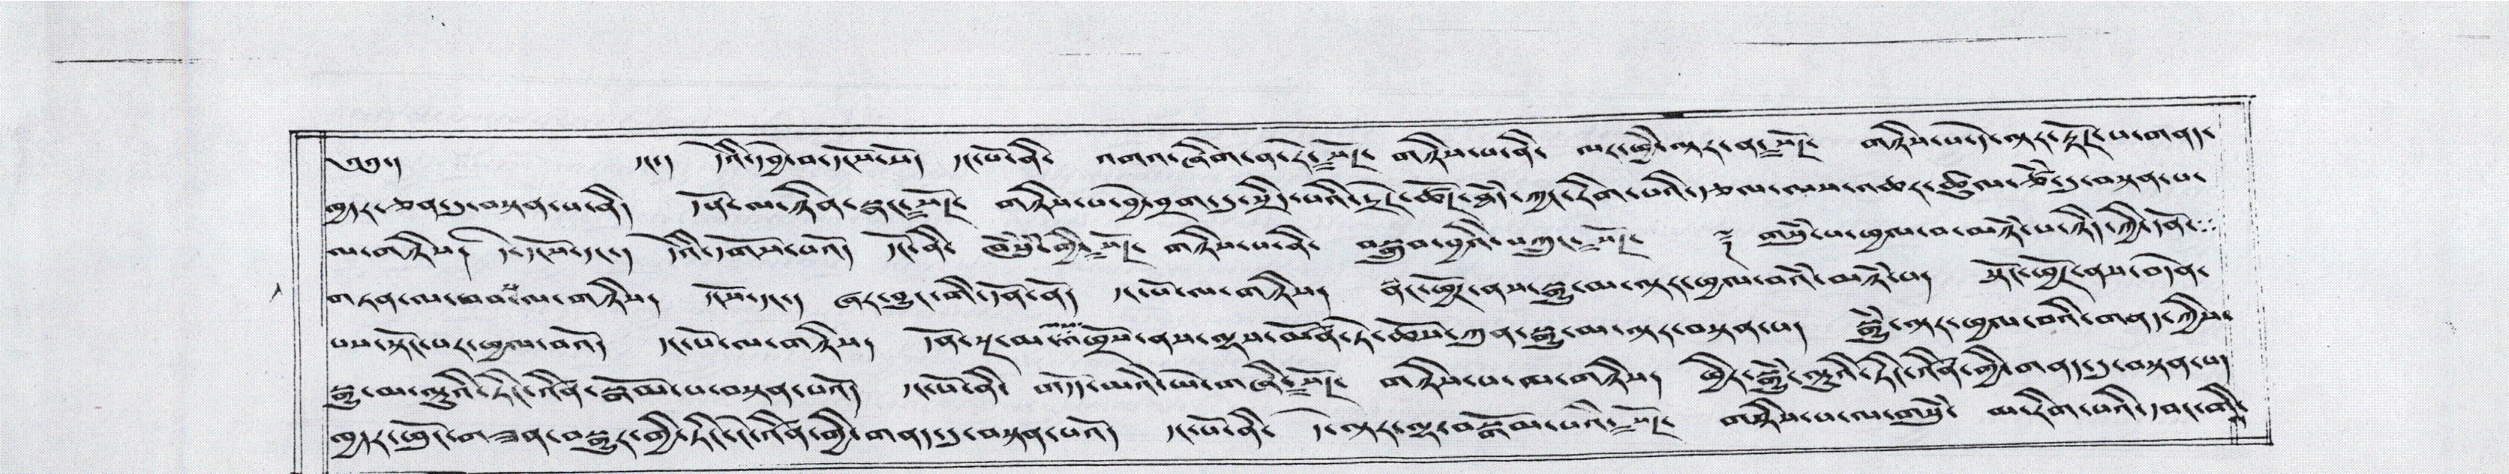དང། དེའི་དབྱེ་བ་དངོས་སོ། དང་པོ་ནི། འགའ་ཞིག་ན་རེ་སོགས། གཉིས་པ་ནི། ལར་གྱི་ལྟར་ན་སོགས། གཉིས་པ་དེ་ལྟར་རྟོགས་པ་གནད་
ཁྱད་པར་ཅན་དུ་བསྟན་པ་ནི། དོན་ལ་ཉིན་སྣང་སོགས། གཉིས་པ་བྱེ་བྲག་དུ་སྲིད་པའི་དྲེགས་ཚོགས་ཐམས་ཅད་ཀྱང་རིག་པའི་རྩལ་ལས་འཆར་ཚུལ་ཙམ་དུ་བསྟན་པ་
ལ་གཉིས། དེ་དངོས་དང། དེའི་དགོས་པའོ། དང་པོ་ནི། ཁམས་གསུམ་གྱི་སོགས། གཉིས་པ་ནི། བསྒྲུབ་བྱའི་བཀྲུང་སོགས། ༑ གསུམ་པ་ཕྱལ་བ་མཉམ་པ་ཉིད་ཀྱི་དོན་
གཏན་ལ་ཕབ་པ་ལ་གཉིས། དངོས་དང། ཞར་བྱུང་གི་དོན་ནོ། དང་པོ་ལ་གཉིས། སྣང་ཕྱོགས་ནས་སྒྱུ་མ་ལྟར་ཕྱལ་བའམ་མཉམ་པ། སྟོང་ཕྱོགས་ནས་བདེན་
པས་སྟོང་པར་ཕྱལ་བའོ། དང་པོ་ལ་གཉིས། དོན་སྔ་མ་འཕྲོས་ནས་ལྷས་མཚོན་ཏེ་ཆོས་ཀུན་སྒྱུ་མ་ལྟར་བསྟན་པ། སྒྱུ་མ་ལྟར་ཕྱལ་བའི་གནད་ཀྱིས་
སྒྱུ་མ་ལྟ་བུའི་ཏིང་འཛིན་སྒོམ་པ་བསྟན་པའོ། དང་པོ་ནི། གདོད་མའི་ཡེ་གཞི་སོགས། གཉིས་པ་ལ་གཉིས། ཕྱིར་སྒྱུ་མ་ལྟ་བུའི་ཏིང་འཛིན་གྱི་གནད་དུ་བསྟན་པ། 
ཁྱད་པར་ཕུང་པོ་གཟན་བསྒྱུར་གྱི་ཏིང་ངེ་འཛིན་གྱི་གནད་དུ་བསྟན་པའོ། དང་པོ་ནི། དེ་ལྟར་ལྷ་བསྒོམ་པའི་སོགས། གཉིས་པ་ལ་གསུམ། མ་རིག་པའི་དབང་གིས་